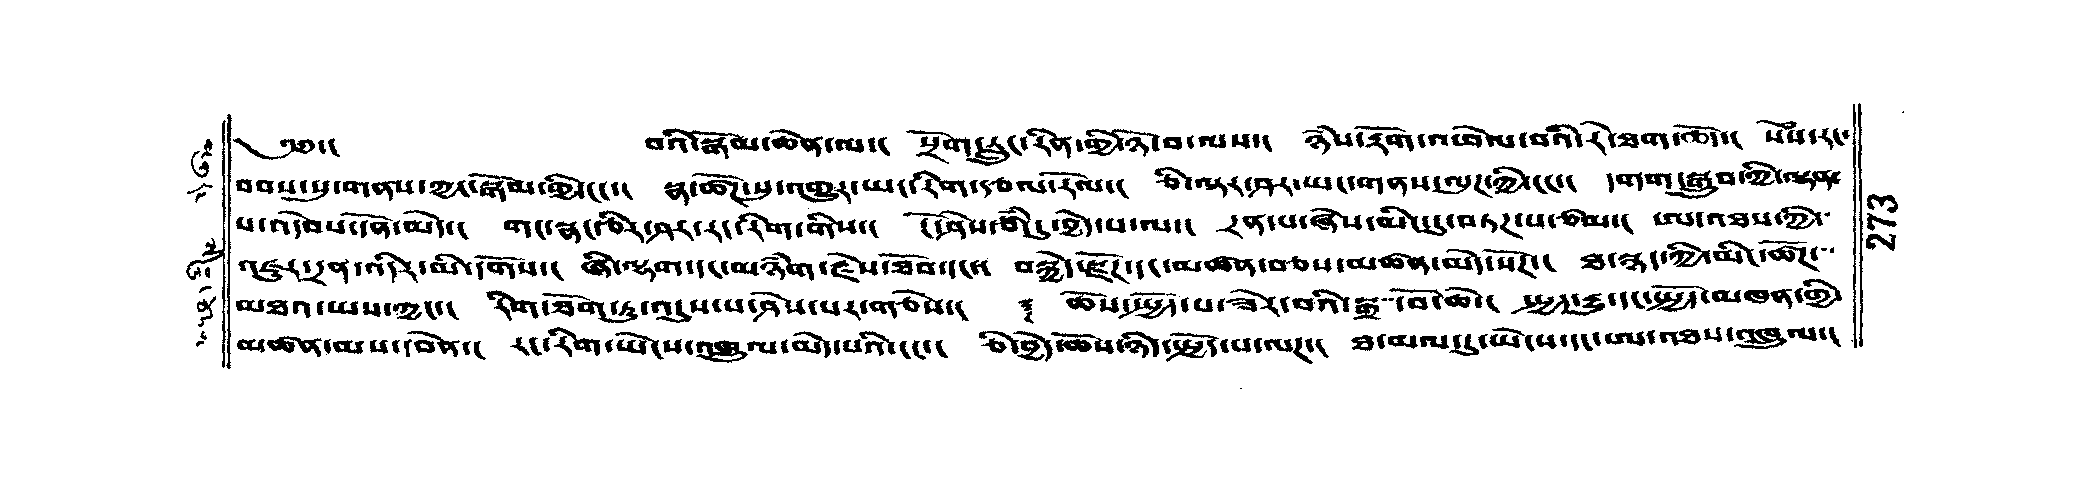བའི་སྒོམ་ཆེན་ལ། །སྲོག་རླུང་རིན་གྱི་ཉོ་བ་ལས། །ཉམས་རྟོགས་འཕེལ་བའི་རེ་ཐག་ཆོད། །སེམས་རང་
བབས་སུ་གནས་ཀྱང་སྒོམ་གྱི་ངང་། །སྣ་ཚོགས་སུ་འགྱུར་ཡང་རིག་རྩལ་རོལ། །ཅི་ལྟར་ཤར་ཡང་གནས་ལུགས་ཀྱི་ངང་། །དགག་སྒྲུབ་ཀྱི་ལྷན་
པ་འདེབས་དོན་མེད། །གང་སྣང་ཅིར་ཤར་རང་རིག་གིས། །ངོ་ཤེས་ཙམ་དུ་བྱེད་པ་ལ། །དྲན་པ་ཞེས་མིང་དུ་བཏགས་པ་ཙམ། །ཨ་འཐས་ཀྱི་
འཇུར་དྲན་འདིར་མི་དགོས། །ཞི་ལྷག་དང་མཉམ་བཞག་རྗེས་ཐོབ་དང་། །བསྐྱེད་རྫོགས་དང་མཚན་བཅས་མཚན་མེད་སོགས། །ཐ་སྙད་ཀྱི་མིང་ཚོགས་
མཐའ་ཡས་ཀྱང་། །རིག་ཐོག་ཏུ་འདུས་པ་ཤེས་པར་གཅེས། །ཆོས་སྤྱོད་པ་ཟེར་བའི་སྒྲ་བོ་ཆེ། སྤྱད་རྒྱུ་དང་སྤྱོད་མཁན་གྱི་
མཚན་མས་དབེན། །རང་རིག་ཡེངས་འཁྲུལ་མེད་པའི་ངང་། །ཅི་བྱེད་ཆོས་ཉིད་སྤྱོད་པ་ལགས། །ཐ་མལ་དུ་ཡེངས་དང་ཨ་འཐས་འཁྲུལ།